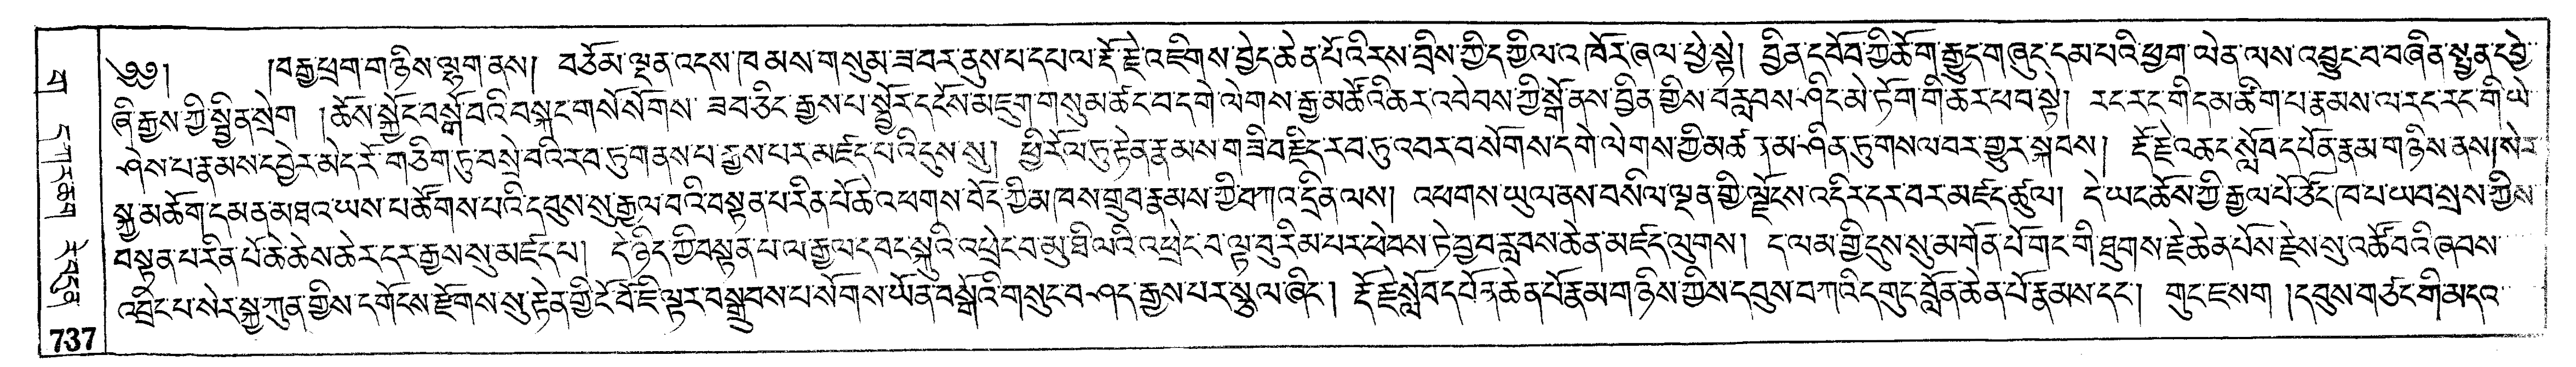༄༅། །བརྒྱ་ཕྲག་གཉིས་ལྷག་ནས། བཅོམ་ལྡན་འདས་ཁམས་གསུམ་ཟ་བར་ནུས་པ་དཔལ་རྡོ་རྗེ་འཇིགས་བྱེད་ཆེན་པོའི་རས་བྲིས་ཀྱི་དཀྱིལ་འཁོར་ཞལ་ཕྱེ་སྟེ། བྱིན་དབབ་ཀྱི་ཆོ་ག་རྒྱུད་གཞུང་དམ་པའི་ཕྱག་ལེན་ལས་འབྱུང་པ་བཞིན་སྤྱན་དབྱེ་
ཞི་རྒྱས་ཀྱི་སྦྱིན་སྲེག །ཆོས་སྐྱོང་བསྒོ་བའི་བསྐང་གསོ་སོགས་ཟབ་ཅིང་རྒྱས་པ་སྦྱོར་དངོས་མཇུག་གསུམ་ཚང་བ་དགེ་ལེགས་རྒྱ་མཚོའི་ཆར་འབེབས་ཀྱི་སྒོ་ནས་བྱིན་གྱིས་བརླབས་ཤིང་མེ་ཏོག་གི་ཆར་ཕབ་སྟེ། རང་རང་གི་དམ་ཚིག་པ་རྣམས་ལ་རང་རང་གི་ཡེ་
ཤེས་པ་རྣམས་དབྱེར་མེད་རོ་གཅིག་ཏུ་བསྲེ་བའི་རབ་ཏུ་གནས་པ་རྒྱས་པར་མཛད་པའི་དུས་སུ། ཕྱི་རོལ་ཏུ་རྟེན་རྣམས་གཟི་བརྗིད་རབ་ཏུ་འབར་བ་སོགས་དགེ་ལེགས་ཀྱི་མཚན་མ་ཤིན་ཏུ་གསལ་བར་གྱུར་སྐབས། རྡོ་རྗེ་འཆང་སློབ་དཔོན་རྣམ་གཉིས་ནས། སེར་
སྐྱ་མཆོག་དམན་མཐའ་ཡས་པ་ཚོགས་པའི་དབུས་སུ་རྒྱལ་བའི་བསྟན་པ་རིན་པོ་ཆེ་འཕགས་བོང་ཀྱི་མཁས་གྲུབ་རྣམས་ཀྱི་བཀའ་དྲིན་ལས། འཕགས་ཡུལ་ནས་བསིལ་ལྡན་གྱི་ལྗོངས་འདིར་དར་བར་མཛད་ཚུལ། དེ་ཡང་ཆོས་ཀྱི་རྒྱལ་པོ་ཙོང་ཁ་པ་ཡབ་སྲས་ཀྱིས་
བསྟན་པ་རིན་པོ་ཆེ་ཆེས་ཆེར་དར་རྒྱས་སུ་མཛད་པ། དེ་ཉིད་ཀྱི་བསྟན་པ་ལ་རྒྱལ་དབང་སྐུའི་འཕྲེང་བ་མུ་ཐི་ལའི་འཕྲེང་བ་ལྟ་བུ་རིམ་པར་ཕེབས་ཏེ་བྱ་བ་རླབས་ཆེན་མཛད་ལུགས། ད་ལམ་གྱི་དུས་སུ་མགོན་པོ་གང་གི་ཐུགས་རྗེ་ཆེན་པོས་རྗེས་སུ་འཚོ་བའི་ཞབས་
འབྲིང་པ་སེར་སྐྱ་ཀུན་གྱིས་དགོངས་རྫོགས་སུ་རྟེན་གྱི་ངོ་པོ་ཇི་ལྟར་བསྒྲུབས་པ་སོགས་ཡོན་བསྒོའི་གསུང་བཤད་རྒྱས་པར་སྩལ་ཞིང་། རྡོ་རྗེ་སློབ་དཔོན་ཆེན་པོ་རྣམ་གཉིས་ཀྱིས་དབུས་བཀའི་དགུང་བློན་ཆེན་པོ་རྣམས་དང་། གུང་ཇ་སག །དབུས་གཙང་གི་མདའ་